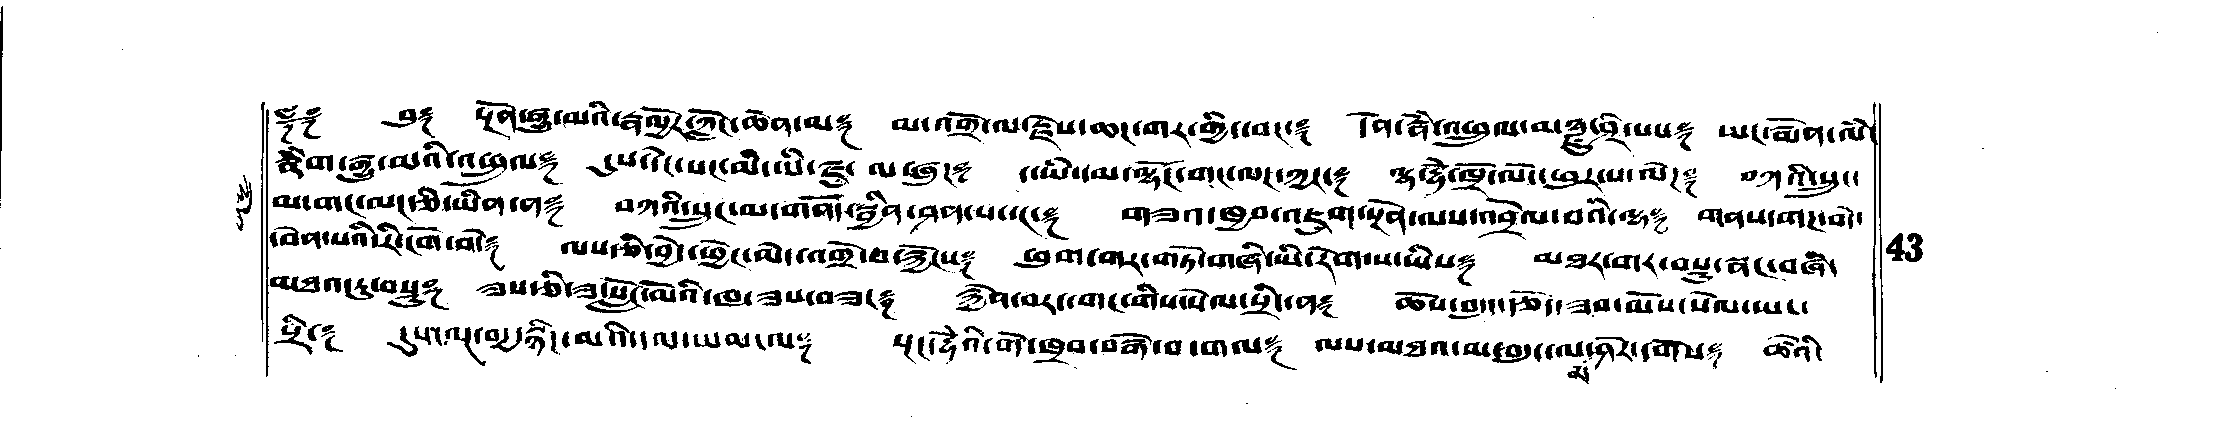བུ། །སྔོན་སྒྱུ་མའི་རྣལ་འབྱོར་ཀློང་ཆེན་མ། །མ་འགྲོ་ལ་རྗེས་ཆགས་གར་གྱི་དབང་། །དོན་རྣམ་འཕྲུལ་མཉྫུ་ཤྲི་པས། །ཡང་སྨོན་ལམ་
རྣམ་དག་སྒྱུ་མའི་འཕྲུལ། །དུས་དེང་སང་མི་ཡི་རྫུ་ལ་ཞུགས། །ད་ཡི་དམ་ལྷ་ཚོགས་གང་ལགས་ཀྱང་། །ལྷ་རྡོ་རྗེ་གྲོ་ལོད་ཕུར་པ་ལེགས། །བཀའི་སྲུང་
མ་གང་ལགས་ཅི་ཡིན་ན། །བཀའི་སྲུང་མ་གནོད་སྦྱིན་ཤན་པ་དང་། །གཟའ་ཁྱབ་འཇུག་སྔོན་ལས་འབྲེལ་བའི་ལྷ། །གནས་གང་བདེ་
དབེན་པའི་རི་ངོགས་བདེ། །ལས་ཅི་བྱེད་ཕྱོགས་མེད་འགྲོ་བ་སྐྱོངས། །ཕུག་གར་གཏོད་གཞི་ཡི་རེག་པ་ཡིས། །མཐར་གར་བསྡུ་སྣང་བཞི་
མཐའ་རུ་བསྡུ། །ཟས་ཅི་ཟ་སློང་མོའི་ཁ་ཟས་བཟང་། །རྐྱེན་བར་ཆད་གང་གིས་སེལ་སྲིད་ན། །ཆོས་བདུད་གཅོད་ཟབ་མོས་སེལ་ཡང་
སྲིད། །དུས་ལྔ་བརྒྱ་སྙིགས་མའི་དལ་ཡམ་ལ། །སྔགས་རྡོ་རྗེའི་གོ་ཁྲབ་བསྒོ་བ་གལ། །ལས་མཐའ་མ་བདུད་ལ་མ་ཤོར་དགོས། །ཚེའི་